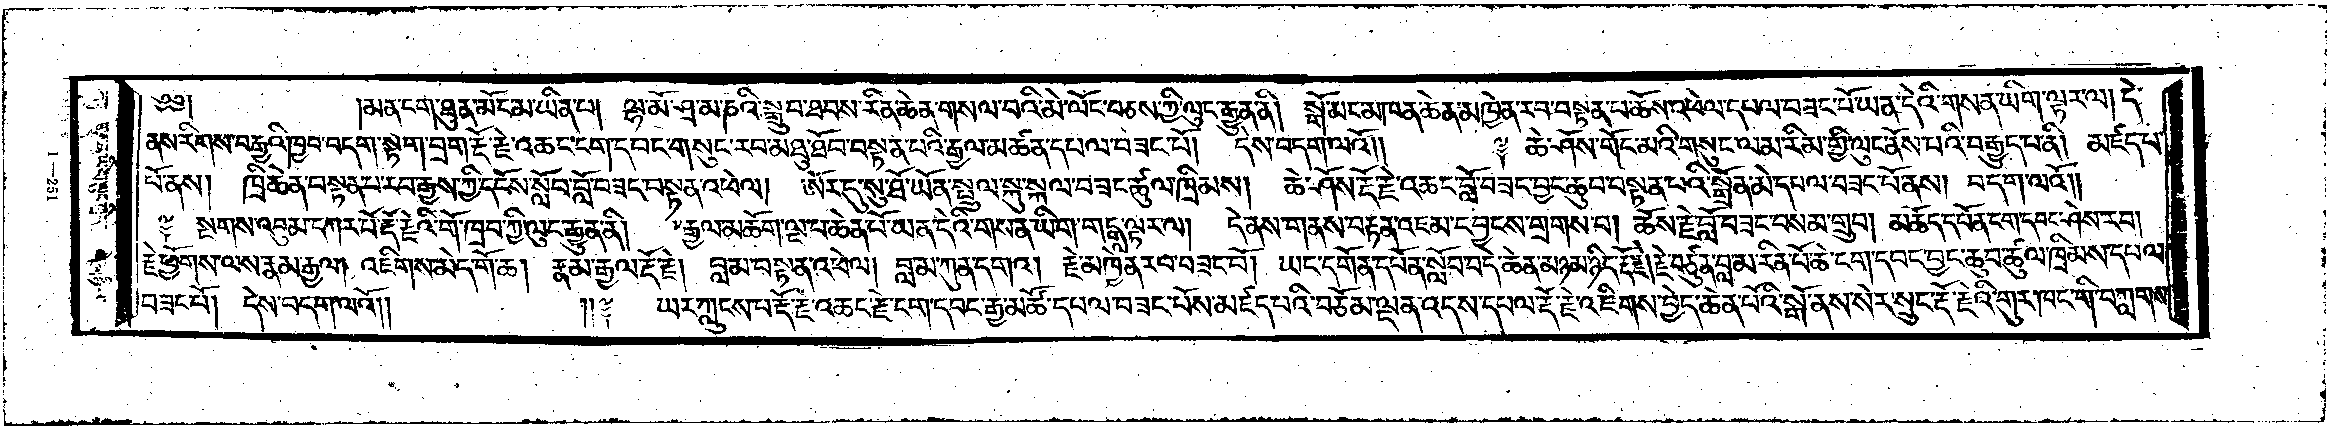༄༅། །མན་ངག་ཐུན་མོང་མ་ཡིན་པ། ལྷ་མོ་ཤྲ་མ་ཎའི་སྒྲུབ་ཐབས་རིན་ཆེན་གསལ་བའི་མེ་ལོང་བཅས་ཀྱི་ལུང་རྒྱུན་ནི། སྒོ་མང་མཁན་ཆེན་མཁྱེན་རབ་བསྟན་པ་ཆོས་འཕེལ་དཔལ་བཟང་པོ་ཡན་དེའི་གསན་ཡིག་ལྟར་ལ། དེ་
ནས་རིགས་བརྒྱའི་ཁྱབ་བདག་སྟག་བྲག་རྡོ་རྗེ་འཆང་ངག་དབང་གསུང་རབ་མཐུ་ཐོབ་བསྟན་པའི་རྒྱལ་མཚན་དཔལ་བཟང་པོ། དེས་བདག་ལའོ།། འ་ཆེ་ཤོས་གོང་མའི་གསུང་ལམ་རིམ་གྱི་ལུང་ནོས་པའི་བརྒྱུད་པ་ནི། མཛད་པ་
པོ་ནས། ཁྲི་ཆེན་བསྟན་པ་རབ་རྒྱས་ཀྱི་དངོས་སློབ་བློ་བཟང་བསྟན་འཕེལ། ཨོར་དུ་སུ་ཐོ་ཡོན་སྤྲུལ་སྐུ་སྐལ་བཟང་ཚུལ་ཁྲིམས། ཆེ་ཤོས་རྡོ་རྗེ་འཆང་བློ་བཟང་བྱང་ཆུབ་བསྟན་པའི་སྒྲོན་མེ་དཔལ་བཟང་པོ་ནས། བདག་ལའོ།།
འ་སྔགས་འབུམ་དཀར་པོ་རྡོ་རྗེའི་གོ་ཁྲབ་ཀྱི་ལུང་རྒྱུན་ནི། ༧རྒྱལ་མཆོག་ལྔ་པ་ཆེན་པོ་ཡན་དེའི་གསན་ཡིག་གངྒལ་ལྟར་ལ། དེ་ནས་གནས་བརྟན་འཇམ་དབྱངས་གྲགས་པ། ཆོས་རྗེ་བློ་བཟང་བསམ་གྲུབ། མཆོད་དཔོན་ངག་དབང་ཤེས་རབ།
རྗེ་ཕྱོགས་ལས་རྣམ་རྒྱལ། འཇིགས་མེད་གོ་ཆ། རྣམ་རྒྱལ་རྡོ་རྗེ། བླ་མ་བསྟན་འཕེལ། བླ་མ་ཀུན་དགའ། རྗེ་མཁྱེན་རབ་བཟང་པོ། ཡང་དགོན་དཔོན་སློབ་བདེ་ཆེན་མཉམ་ཉིད་རྡོ་རྗེ། རྗེ་བཙུན་བླ་མ་རིན་པོ་ཆེ་ངག་དབང་བྱང་ཆུབ་ཚུལ་ཁྲིམས་དཔལ་
བཟང་པོ། དེས་བདག་ལའོ།། །།འ་ཡར་ཀླུངས་པ་རྡོ་རྗེ་འཆང་རྗེ་ངག་དབང་རྒྱ་མཚོ་དཔལ་བཟང་པོས་མཛད་པའི་བཅོམ་ལྡན་འདས་དཔལ་རྡོ་རྗེ་འཇིགས་བྱེད་ཆེན་པོའི་སྒོ་ནས་སེར་སྲུང་རྡོ་རྗེའི་གུར་ཁང་གི་བཀླགས་